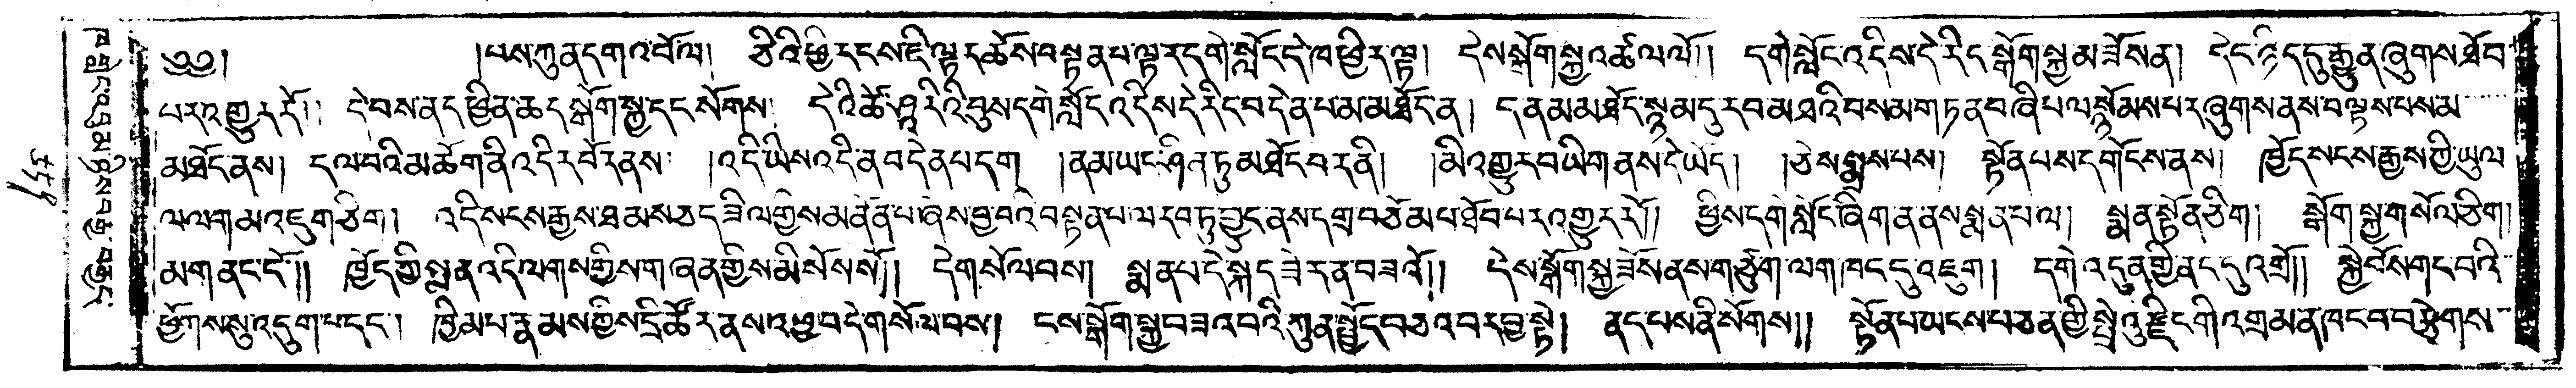༄༅། །པས་ཀུན་དགའ་བོ་ལ། ཅིའི་ཕྱི་དངས་ཇི་ལྟར་ཆོས་བསྟན་པ་ལྟར་དགེ་སློང་དེ་ཁ་ཕྱིར་ལྟ། དེས་སྒོག་སྐྱ་འཚལ་ལོ། །དགེ་སློང་འདིས་དེ་རིང་སྒོག་སྐྱ་མ་ཟོས་ན། དེང་ཉིད་དུ་རྒྱུན་ཞུགས་ཐོབ་
པར་འགྱུར་རོ། །དེ་བས་ནད་ཕྱིན་ཆད་སྒོག་སྐྱ་དང་སོགས། དེའི་ཚེ་ཤཱ་རིའི་བུས་དགེ་སློང་འདིས་དེ་རིང་བདེན་པ་མ་མཐོང་ན། ད་ནམ་མཐོང་སྙམ་དུ་རབ་མཐའི་བསམ་གཏྣ་བཞི་པ་ལ་སྙོམས་པར་ཞུགས་ནས་བལྟས་པས་མ་
མཐོང་ནས། དལ་བའི་མཆོག་ནི་འདིར་བོར་ནས། །འདི་ཡིས་འདི་ན་བདེན་པ་དག །ནམ་ཡང་ཤིན་ཏུ་མཐོང་བར་ནི། །མི་འགྱུར་བ་ཡིག་ནས་དེ་ཡོད། །ཅེས་སྨྲས་པས། སྟོན་པས་དགོངས་ནས། ཁྱོད་སངས་རྒྱས་ཀྱི་ཡུལ་
ལ་ལག་མ་འཇུག་ཅིག། འདི་སངས་རྒྱས་ཐམས་ཅད་ཟིལ་གྱིས་མནོན་པ་ཞེས་བྱ་བའི་བསྟན་པ་ལ་རབ་ཏུ་བྱུང་ནས་དགྲ་བཅོམ་པ་ཐོབ་པར་འགྱུར་རོ།། ཕྱིས་དགེ་སློང་ཞིག་ན་ནས་སྨན་པ་ལ། སྨན་སྟོན་ཅིག། སྒོག་སྐྱ་གསོལ་ཅིག།
མ་གནང་ངོ།། ཁྱོད་ཀྱི་སྨན་འདི་ལགས་གྱིས་གཞན་གྱིས་མི་སོས་སོ།། དེ་གསོལ་བས། སྨན་པ་དེ་སྐད་ཟེར་ན་བཟའོ། །དེས་སྒོག་སྐྱ་ཟོས་ནས་གཙུག་ལག་ཁང་དུ་འཇུག། དགེ་འདུན་གྱི་ནང་དུ་འགྲོ།། སྐྱེ་བོས་གང་བའི་
ཕྱོགས་སུ་འདུག་པ་དང་། ཁྱིམ་པ་རྣམས་ཀྱིས་དྲི་ཚོར་ནས་འཕྱ་བ་དེ་གསོལ་བས། ངས་སྒོག་སྐྱ་བཟའ་བའི་ཀུན་སྤྱོད་བཅའ་བར་བྱ་སྟེ། ནད་པས་ནི་སོགས། །སྟོན་པ་ཡངས་པ་ཅན་གྱི་སྤྲེའུ་རྫིང་གི་འགྲམ་ན་ཁང་བ་བརྩེགས་